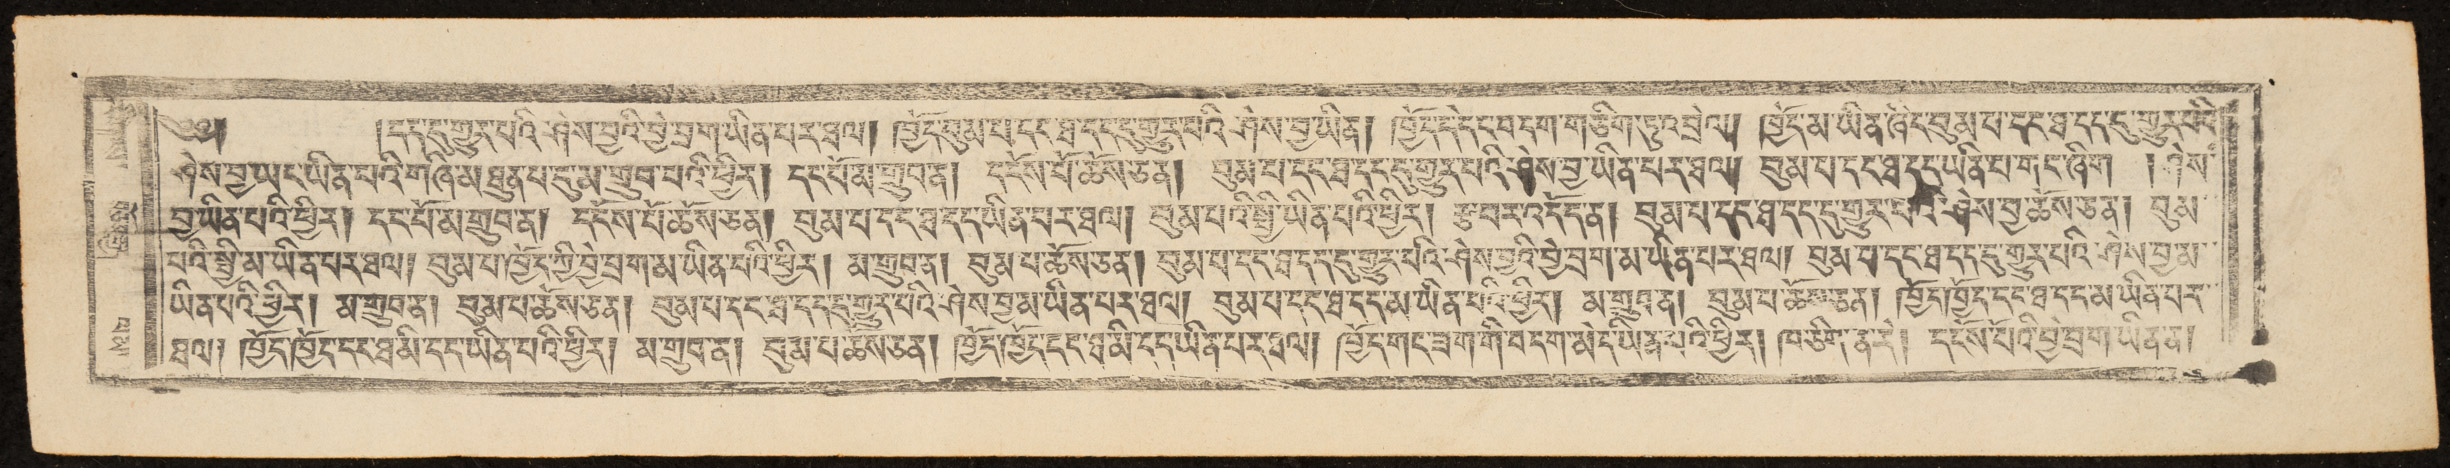༄༅། །དད་དུ་གྱུར་པའི་ཤེས་བྱའི་བྱེ་བྲག་ཡིན་པར་ཐལ། ཁྱོད་བུམ་པ་དང་ཐ་དད་དུ་གྱུར་པའི་ཤེས་བྱ་ཡིན། ཁྱོད་དེ་དང་བདག་གཅིག་ཏུ་འབྲེལ། ཁྱོད་མ་ཡིན་ཞིང་བུམ་པ་དང་ཐ་དད་དུ་གྱུར་པའི་
ཤེས་བྱ་ཡང་ཡིན་པའི་གཞི་མཐུན་པ་དུ་མ་གྲུབ་པའི་ཕྱིར། དང་པོ་མ་གྲུབ་ན། དངོས་པོ་ཆོས་ཅན། བུམ་པ་དང་ཐ་དད་དུ་གྱུར་པའི་ཤེས་བྱ་ཡིན་པར་ཐལ། བུམ་པ་དང་ཐ་དད་ཡིན་པ་གང་ཞིག། །ཤེས་
བྱ་ཡིན་པའི་ཕྱིར། དང་པོ་མ་གྲུབ་ན། དངོས་པོ་ཆོས་ཅན། བུམ་པ་དང་ཐ་དད་ཡིན་པར་ཐལ། བུམ་པའི་སྤྱི་ཡིན་པའི་ཕྱིར། རྩ་བར་འདོད་ན། བུམ་པ་དང་ཐ་དད་དུ་གྱུར་པའི་ཤེས་བྱ་ཆོས་ཅན། བུམ་
པའི་སྤྱི་མ་ཡིན་པར་ཐལ། བུམ་པ་ཁྱོད་ཀྱི་བྱེ་བྲག་མ་ཡིན་པའི་ཕྱིར། མ་གྲུབ་ན། བུམ་པ་ཆོས་ཅན། བུམ་པ་དང་ཐ་དད་དུ་གྱུར་པའི་ཤེས་བྱའི་བྱེ་བྲག་མ་ཡིན་པར་ཐལ། བུམ་པ་དང་ཐ་དད་དུ་གྱུར་པའི་ཤེས་བྱ་མ་
ཡིན་པའི་ཕྱིར། མ་གྲུབ་ན། བུམ་པ་ཆོས་ཅན། བུམ་པ་དང་ཐ་དད་དུ་གྱུར་པའི་ཤེས་བྱ་མ་ཡིན་པར་ཐལ། བུམ་པ་དང་ཐ་དད་མ་ཡིན་པའི་ཕྱིར། མ་གྲུབ་ན། བུམ་པ་ཆོས་ཅན། ཁྱོད་ཁྱོད་དང་ཐ་དད་མ་ཡིན་པར་
ཐལ། ཁྱོད་ཁྱོད་དང་ཐ་མི་དད་ཡིན་པའི་ཕྱིར། མ་གྲུབ་ན། བུམ་པ་ཆོས་ཅན། ཁྱོད་ཁྱོད་དང་ཐ་མི་དད་ཡིན་པར་ཐལ། ཁྱོད་གང་ཟག་གི་བདག་མེད་ཡིན་པའི་ཕྱིར། ཁ་ཅིག་ན་རེ། དངོས་པོའི་བྱེ་བྲག་ཡིན་ན།